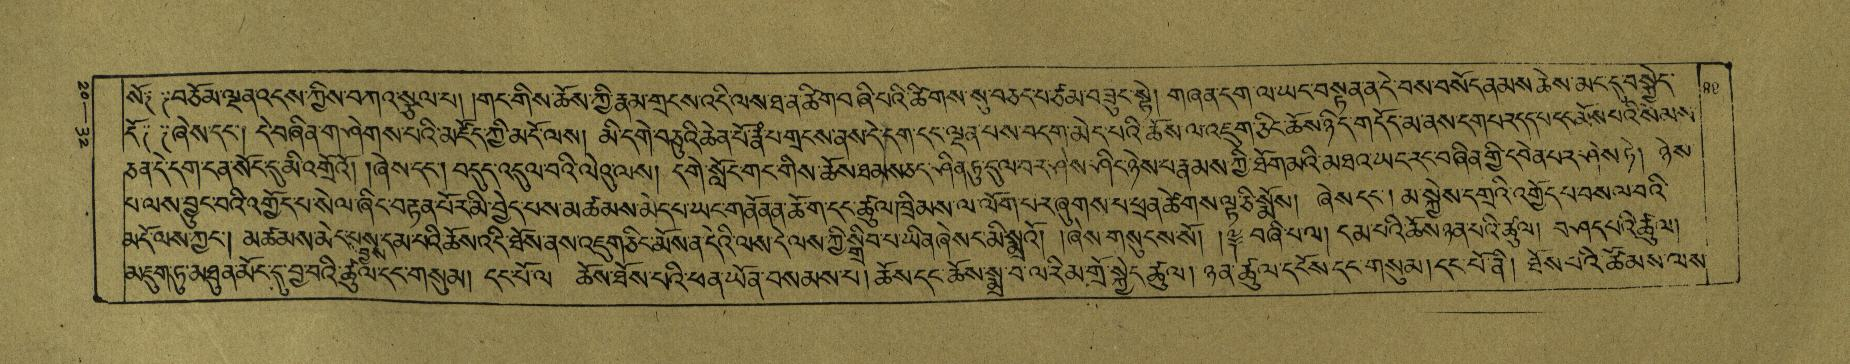སོ༑ ༑བཅོམ་ལྡན་འདས་ཀྱིས་བཀའ་སྩལ་པ། །གང་གིས་ཆོས་ཀྱི་རྣམ་གྲངས་འདི་ལས་ཐ་ན་ཚིག་བཞི་པའི་ཚིགས་སུ་བཅད་པ་ཙམ་བཟུང་སྟེ། གཞན་དག་ལ་ཡང་བསྟན་ན་དེ་བས་བསོད་ནམས་ཆེས་མང་དུ་བསྐྱེད་
དོ༑ ༑ཞེས་དང་། དེ་བཞིན་གཤེགས་པའི་མཛོད་ཀྱི་མདོ་ལས། མི་དགེ་བཅུའི་ཆེན་པོ་རྣཾ་པ་གྲངས་ནས་དེ་དག་དང་ལྡན་པས་བདག་མེད་པའི་ཆོས་ལ་འཇུག་ཅིང་ཆོས་ཉིད་གདོད་མ་ནས་དག་པར་དད་པ་དང་མོས་པའི་སེམས་
ཅན་དེ་དག་ངན་སོང་དུ་མི་འགྲོའོ། །ཞེས་དང་། བདུད་འདུལ་བའི་ལེའུ་ལས། དགེ་སློང་གང་གིས་ཆོས་ཐམས་ཅད་ཤིན་ཏུ་དུལ་བར་ཤེས་ཤིང་ཉེས་པ་རྣམས་ཀྱི་ཐོག་མའི་མཐའ་ཡང་རང་བཞིན་གྱི་དབེན་པར་ཤེས་ཏེ། ཉེས་
པ་ལས་བྱུང་བའི་འགྱོད་པ་སེལ་ཞིང་བརྟན་པོར་མི་བྱེད་པས་མཚམས་མེད་པ་ཡང་གནོན་ན་ཆོ་ག་དང་ཚུལ་ཁྲིམས་ལ་ལོག་པར་ཞུགས་པ་ཕྲན་ཚེགས་ལྟ་ཅི་སྨོས། ཞེས་དང་། མ་སྐྱེས་དགྲའི་འགྱོད་པ་བསལ་བའི་
མདོ་ལས་ཀྱང་། མཚམས་མེད་བྱས་པས་དམ་པའི་ཆོས་འདི་ཐོས་ནས་འཇུག་ཅིང་མོས་ན་དེའི་ལས་དེ་ལས་ཀྱི་སྒྲིབ་པ་ཡིན་ཞེས་ང་མི་སྨྲའོ། །ཞེས་གསུངས་སོ། །༈ བཞི་པ་ལ། དམ་པའི་ཆོས་ཉན་པའི་ཚུལ། བཤད་པའི་ཚུལ།
མཇུག་ཏུ་མཐུན་མོང་དུ་བྱ་བའི་ཚུལ་དང་གསུམ། དང་པོ་ལ་ཆོས་ཐོས་པའི་ཕན་ཡོན་བསམས་པ། ཆོས་དང་ཆོས་སྨྲ་བ་ལ་རིམ་གྲོ་སྐྱེད་ཚུལ། ཉན་ཚུལ་དངོས་དང་གསུམ། དང་པོ་ནི། ཐོས་པའི་ཚོམས་ལ་